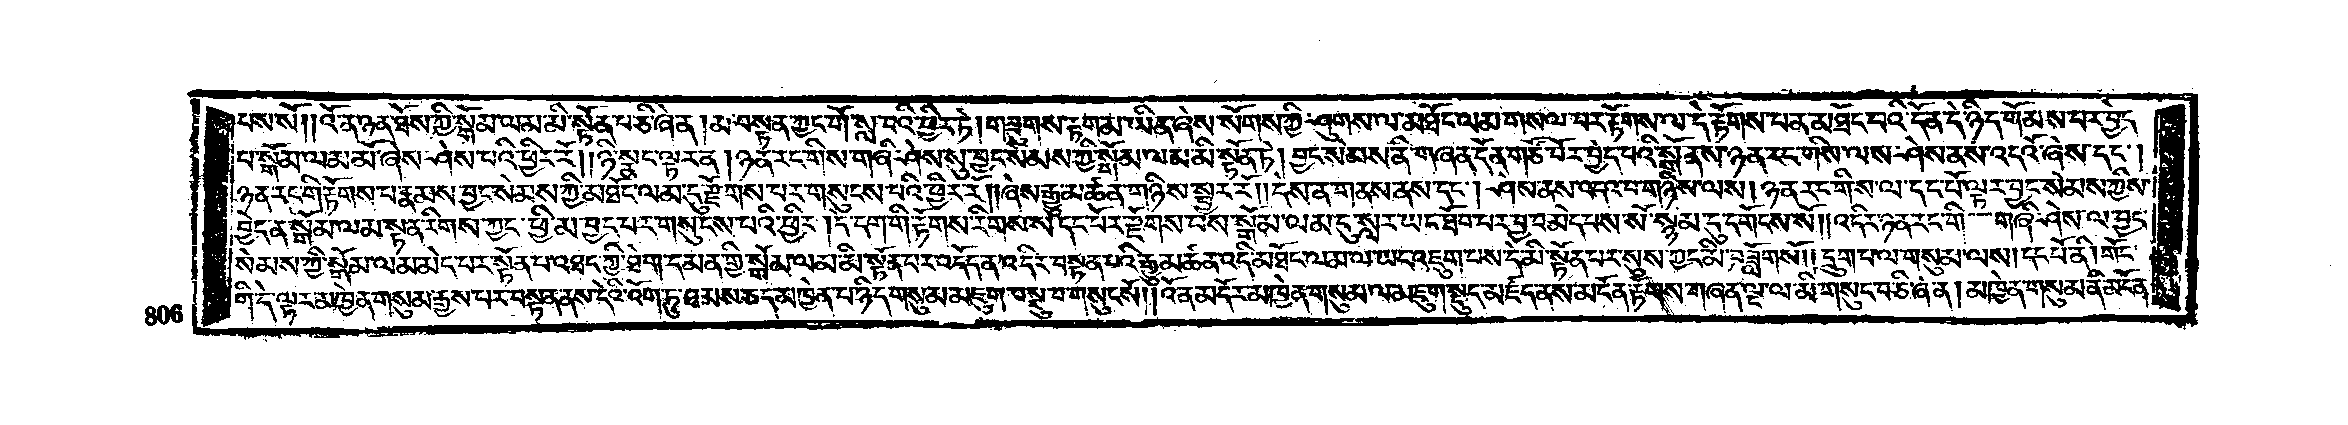པས་སོ། །འོ་ན་ཉན་ཐོས་ཀྱི་སྒོམ་ལམ་མི་སྟོན་པ་ཅི་ཞེ་ན། མ་བསྟན་ཀྱང་གོ་སླ་བའི་ཕྱིར་ཏེ། གཟུགས་རྟག་མ་ཡིན་ཞེས་སོགས་ཀྱི་ཤུགས་ལ་མཐོང་ལམ་གསལ་བར་རྟོགས་ལ་དེ་རྟོགས་པ་ན་མཐོང་བའི་དོན་དེ་ཉིད་གོམས་པར་བྱེད་
པ་སྒོམ་ལམ་མོ་ཞེས་ཤེས་པའི་ཕྱིར་རོ། །ཉི་སྣང་ལྟར་ན། ཉན་རང་གིས་གཞི་ཤེས་སུ་བྱང་སེམས་ཀྱི་སྒོམ་ལམ་མི་སྟོན་ཏེ། བྱང་སེམས་ནི་གཞན་དོན་གཙོ་བོར་བྱེད་པའི་སྒོ་ནས་ཉན་རང་གིས་ལས་ཤེས་ནས་འདའ་ཞེས་དང་།
ཉན་རང་གི་རྟོགས་པ་རྣམས་བྱང་སེམས་ཀྱི་མཐོང་ལམ་དུ་རྫོགས་པར་གསུངས་པའི་ཕྱིར་རོ། །ཞེས་རྒྱུ་མཚན་གཉིས་སྦྱར་རོ། །དེས་ན་གནས་ནས་དང་། ཤེས་ནས་འདའ་བ་གཉིས་ལས། ཉན་རང་གི་ས་ལ་དང་པོ་ལྟར་བྱང་སེམས་ཀྱིས་
བྱེད་ན་སྒོམ་ལམ་སྟོན་རིགས་ཀྱང་ཕྱི་མ་བྱད་པར་གསུངས་པའི་ཕྱིར། དེ་དག་གི་རྟོགས་རིགས་ས་དང་པོར་རྫོགས་པས་སྒོམ་ལམ་དུ་སླར་ཡང་ཐོབ་པར་བྱ་བ་མེད་པས་སོ་སྙམ་དུ་དགོངས་སོ། །འདིར་ཉན་རང་གི་གཞི་ཤེས་ལ་བྱང་
སེམས་ཀྱི་སྒོམ་ལམ་མེད་པར་སྟོན་པ་འཐད་ཀྱི་ཐེག་དམན་གྱི་སྒོམ་ལམ་མི་སྟོན་པར་འདོད་ན་འདིར་བསྟན་པའི་རྒྱུ་མཚན་འདི་མཐོང་ལམ་ལ་ཡང་འཇུག་པས་དེ་མི་སྟོན་པར་སུས་ཀྱང་མི་བཟློགས་སོ། །དྲུག་པ་ལ་གསུམ་ལས། དང་པོ་ནི། གོང་
གི་དེ་ལྟར་མཁྱེན་གསུམ་རྒྱས་པར་བསྟན་ནས་དེའི་འོག་ཏུ་ཐམས་ཅད་མཁྱེན་པ་ཉིད་གསུམ་མཇུག་བསྡུ་བ་གསུངས་སོ། །འོ་ན་མདོར་མཁྱེན་གསུམ་ལ་མཇུག་སྡུད་མཛད་ནས་མངོན་རྟོགས་གཞན་ལྔ་ལ་མི་གསུང་བ་ཅི་ཞེ་ན། མཁྱེན་གསུམ་ནི་མངོན་